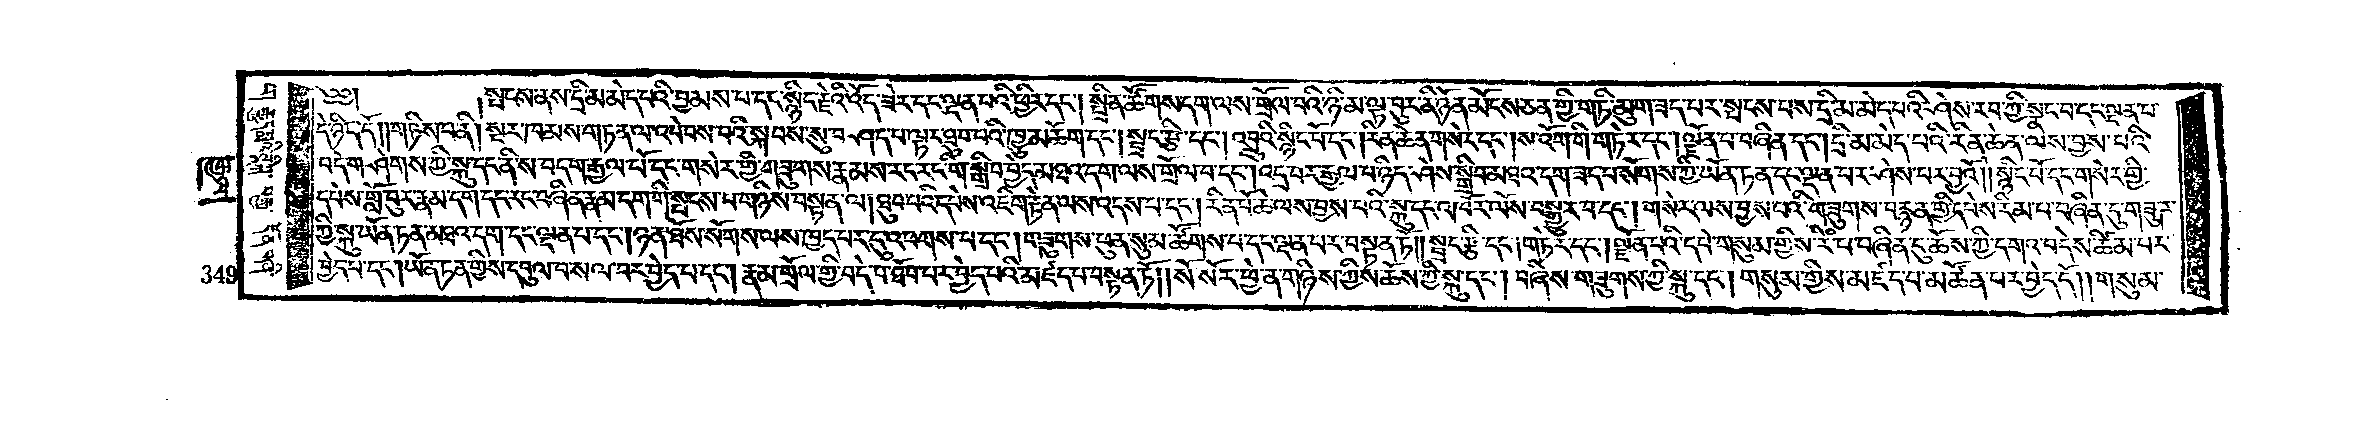༄༅། །སྤངས་ནས་དྲི་མ་མེད་པའི་བྱམས་པ་དང་སྙིང་རྗེའི་འོད་ཟེར་དང་ལྡན་པའི་ཕྱིར་དང་། སྤྲིན་ཚོགས་དག་ལས་གྲོལ་བའི་ཉི་མ་ལྟ་བུར་ནི་ཉོན་མོངས་ཅན་གྱི་གཏི་མུག་ཟད་པར་སྤངས་པས་དྲི་མ་མེད་པའི་ཤེས་རབ་ཀྱི་སྣང་བ་དང་ལྡན་པ་
དེ་ཉིད་དོ། །གཉིས་པ་ནི། སྔར་ཁམས་གཏན་ལ་འབེབས་པའི་སྐབས་སུ་བཤད་པ་ལྟར་ཐུབ་པའི་ཁྱུ་མཆོག་དང་། སྦྲང་རྩི་དང་། འབྲུའི་སྙིང་པོ་དང་། རིན་ཆེན་གསེར་དང་། ས་འོག་གི་གཏེར་དང་། ལྗོན་པ་བཞིན་དང་། དྲི་མ་མེད་པའི་རིན་ཆེན་ལས་བྱས་པའི་
བདེ་གཤེགས་ཀྱི་སྐུ་དང་ནི་ས་བདག་རྒྱལ་པོ་དང་གསེར་གྱི་གཟུགས་རྣམས་རང་རང་གི་སྒྲིབ་བྱེད་མཐའ་དག་ལས་གྲོལ་བ་དང་། འདྲ་བར་རྒྱལ་བ་ཉིད་ཤེས་སྒྲིབ་མཐའ་དག་ཟད་པ་སོགས་ཀྱི་ཡོན་ཏན་དང་ལྡན་པར་ཤེས་པར་བྱའོ། །སྙིང་པོ་དང་གསེར་གྱི་
དཔེས་གློ་བུར་རྣམ་དག་དང་རང་བཞིན་རྣམ་དག་གི་སྤངས་པ་གཉིས་བསྟན་ལ། ཐུབ་པའི་དཔེས་འཇིག་རྟེན་ལས་འདས་པ་དང་། རིན་པོ་ཆེ་ལས་བྱས་པའི་སྐུ་དང་འཁོར་ལོས་བསྒྱུར་བ་དང་། གསེར་ལས་བྱས་པའི་གཟུགས་བརྙན་གྱི་དཔེས་རིམ་པ་བཞིན་དུ་གཟུགས་
ཀྱི་སྐུ་ཡོན་ཏན་མཐའ་དག་དང་ལྡན་པ་དང་། ཉན་ཐོས་སོགས་ལས་ཁྱད་པར་དུ་འཕགས་པ་དང་། གཟུགས་ཕུན་སུམ་ཚོགས་པ་དང་ལྡན་པར་བསྟན་ཏོ། །སྦྲང་རྩི་དང་། གཏེར་དང་། ལྗོན་པའི་དཔེ་གསུམ་གྱིས་རིམ་པ་བཞིན་དུ་ཆོས་ཀྱི་དགའ་བ་དེས་ཚིམ་པར་
བྱེད་པ་དང་། ཡོན་ཏན་གྱིས་དབུལ་བསལ་བར་བྱེད་པ་དང་། རྣམ་གྲོལ་གྱི་བདེ་བ་ཐོབ་པར་བྱེད་པའི་མཛད་པ་བསྟན་ཏོ། །སོ་སོར་ཕྱེ་ན་གཉིས་ཀྱིས་ཆོས་ཀྱི་སྐུ་དང་། བཞིས་གཟུགས་ཀྱི་སྐུ་དང་། གསུམ་གྱིས་མཛད་པ་མཚོན་པར་བྱེད་དོ། །གསུམ་